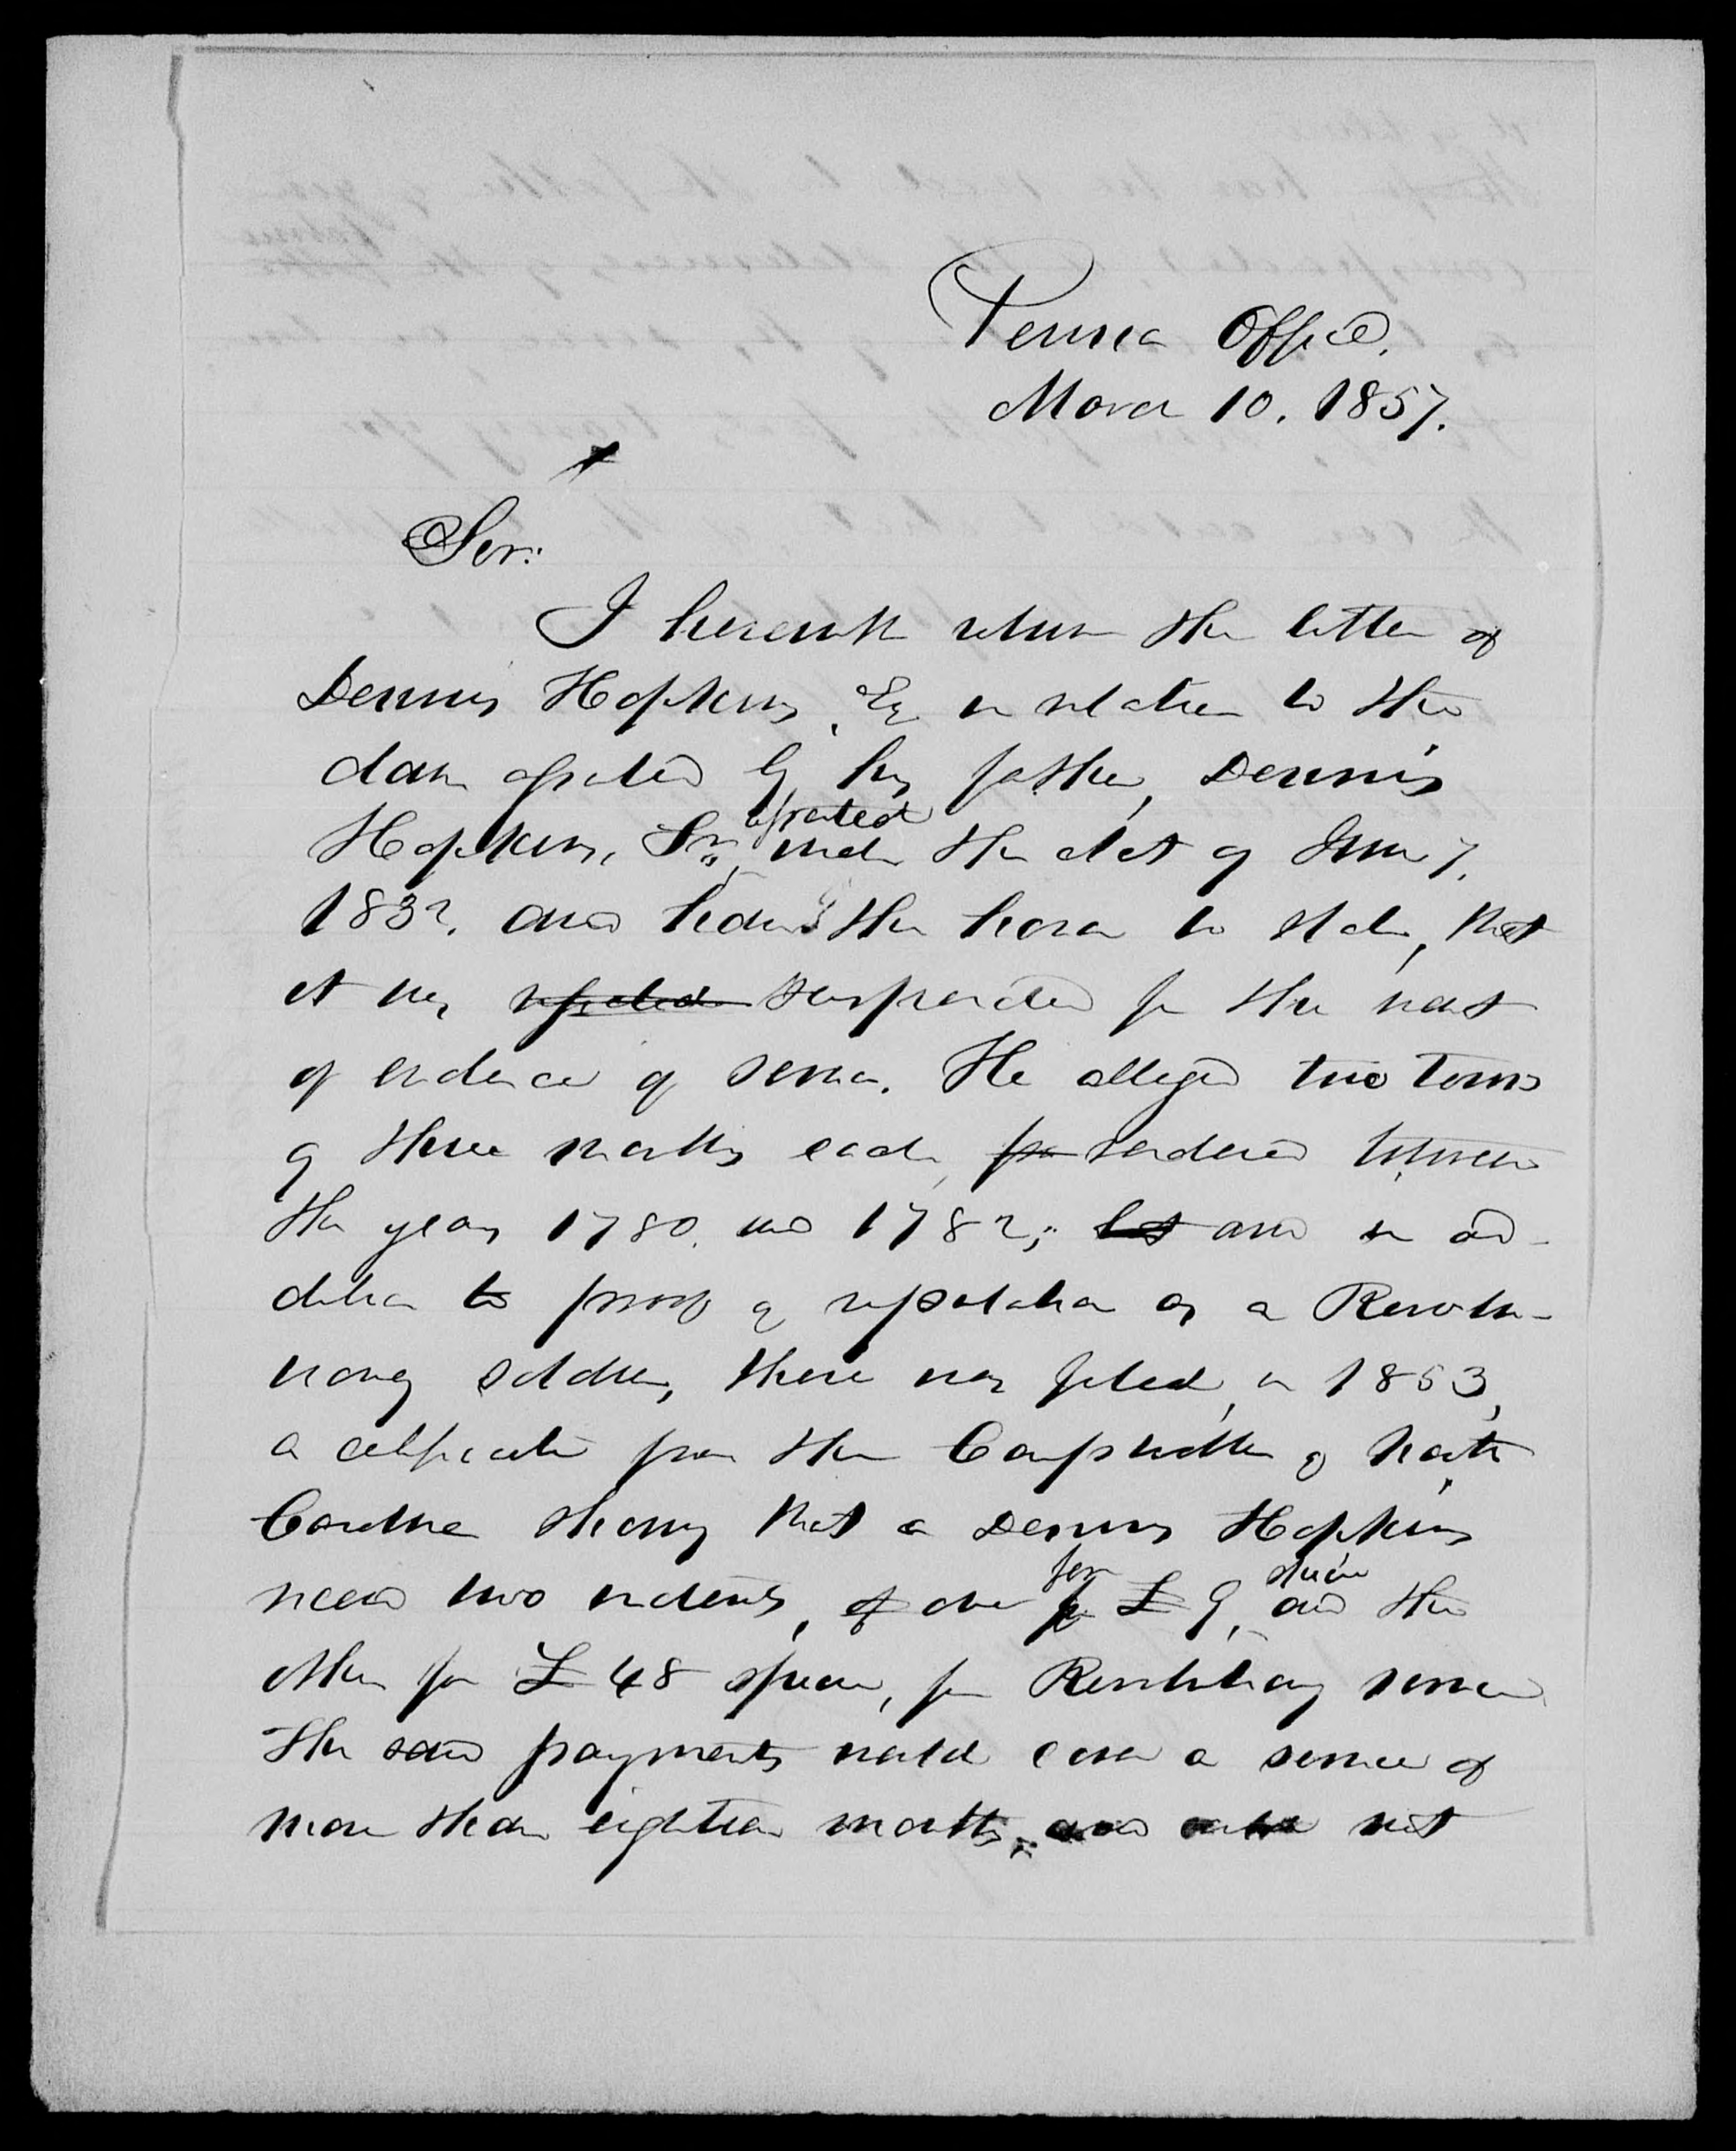Pension Office.
Mover 10, 1857

Sir,
I herewith return the letter of  Dennis Hopkins, Jr in [illegible] to the by a stake to the day afsd by his father Dennis Hopkins, Sr [illegible] and the Act of 7 1832, and [illegible] the [illegible] to Act, [illegible] [illegible] suspended for the lack of evidence of service. He alleged the two tours of three months each, ordered [illegible] the year 1780 to 1782, and to [illegible] to proof of [illegible] as a Revolutionary soldier, there was filed in 1853,  a [illegible] from the Cap with a North Carolina showing that a Dennis Hopkins served two orders, one for £9 specie and the other for £48 specie for Revolutionary service the said payments would cover a service of more than eighteen months [illegible] [illegible] [illegbile]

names: Dennis Hopkins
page: 32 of 144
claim: rejected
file: R. 5208, Dennis Hopkins, N.C.